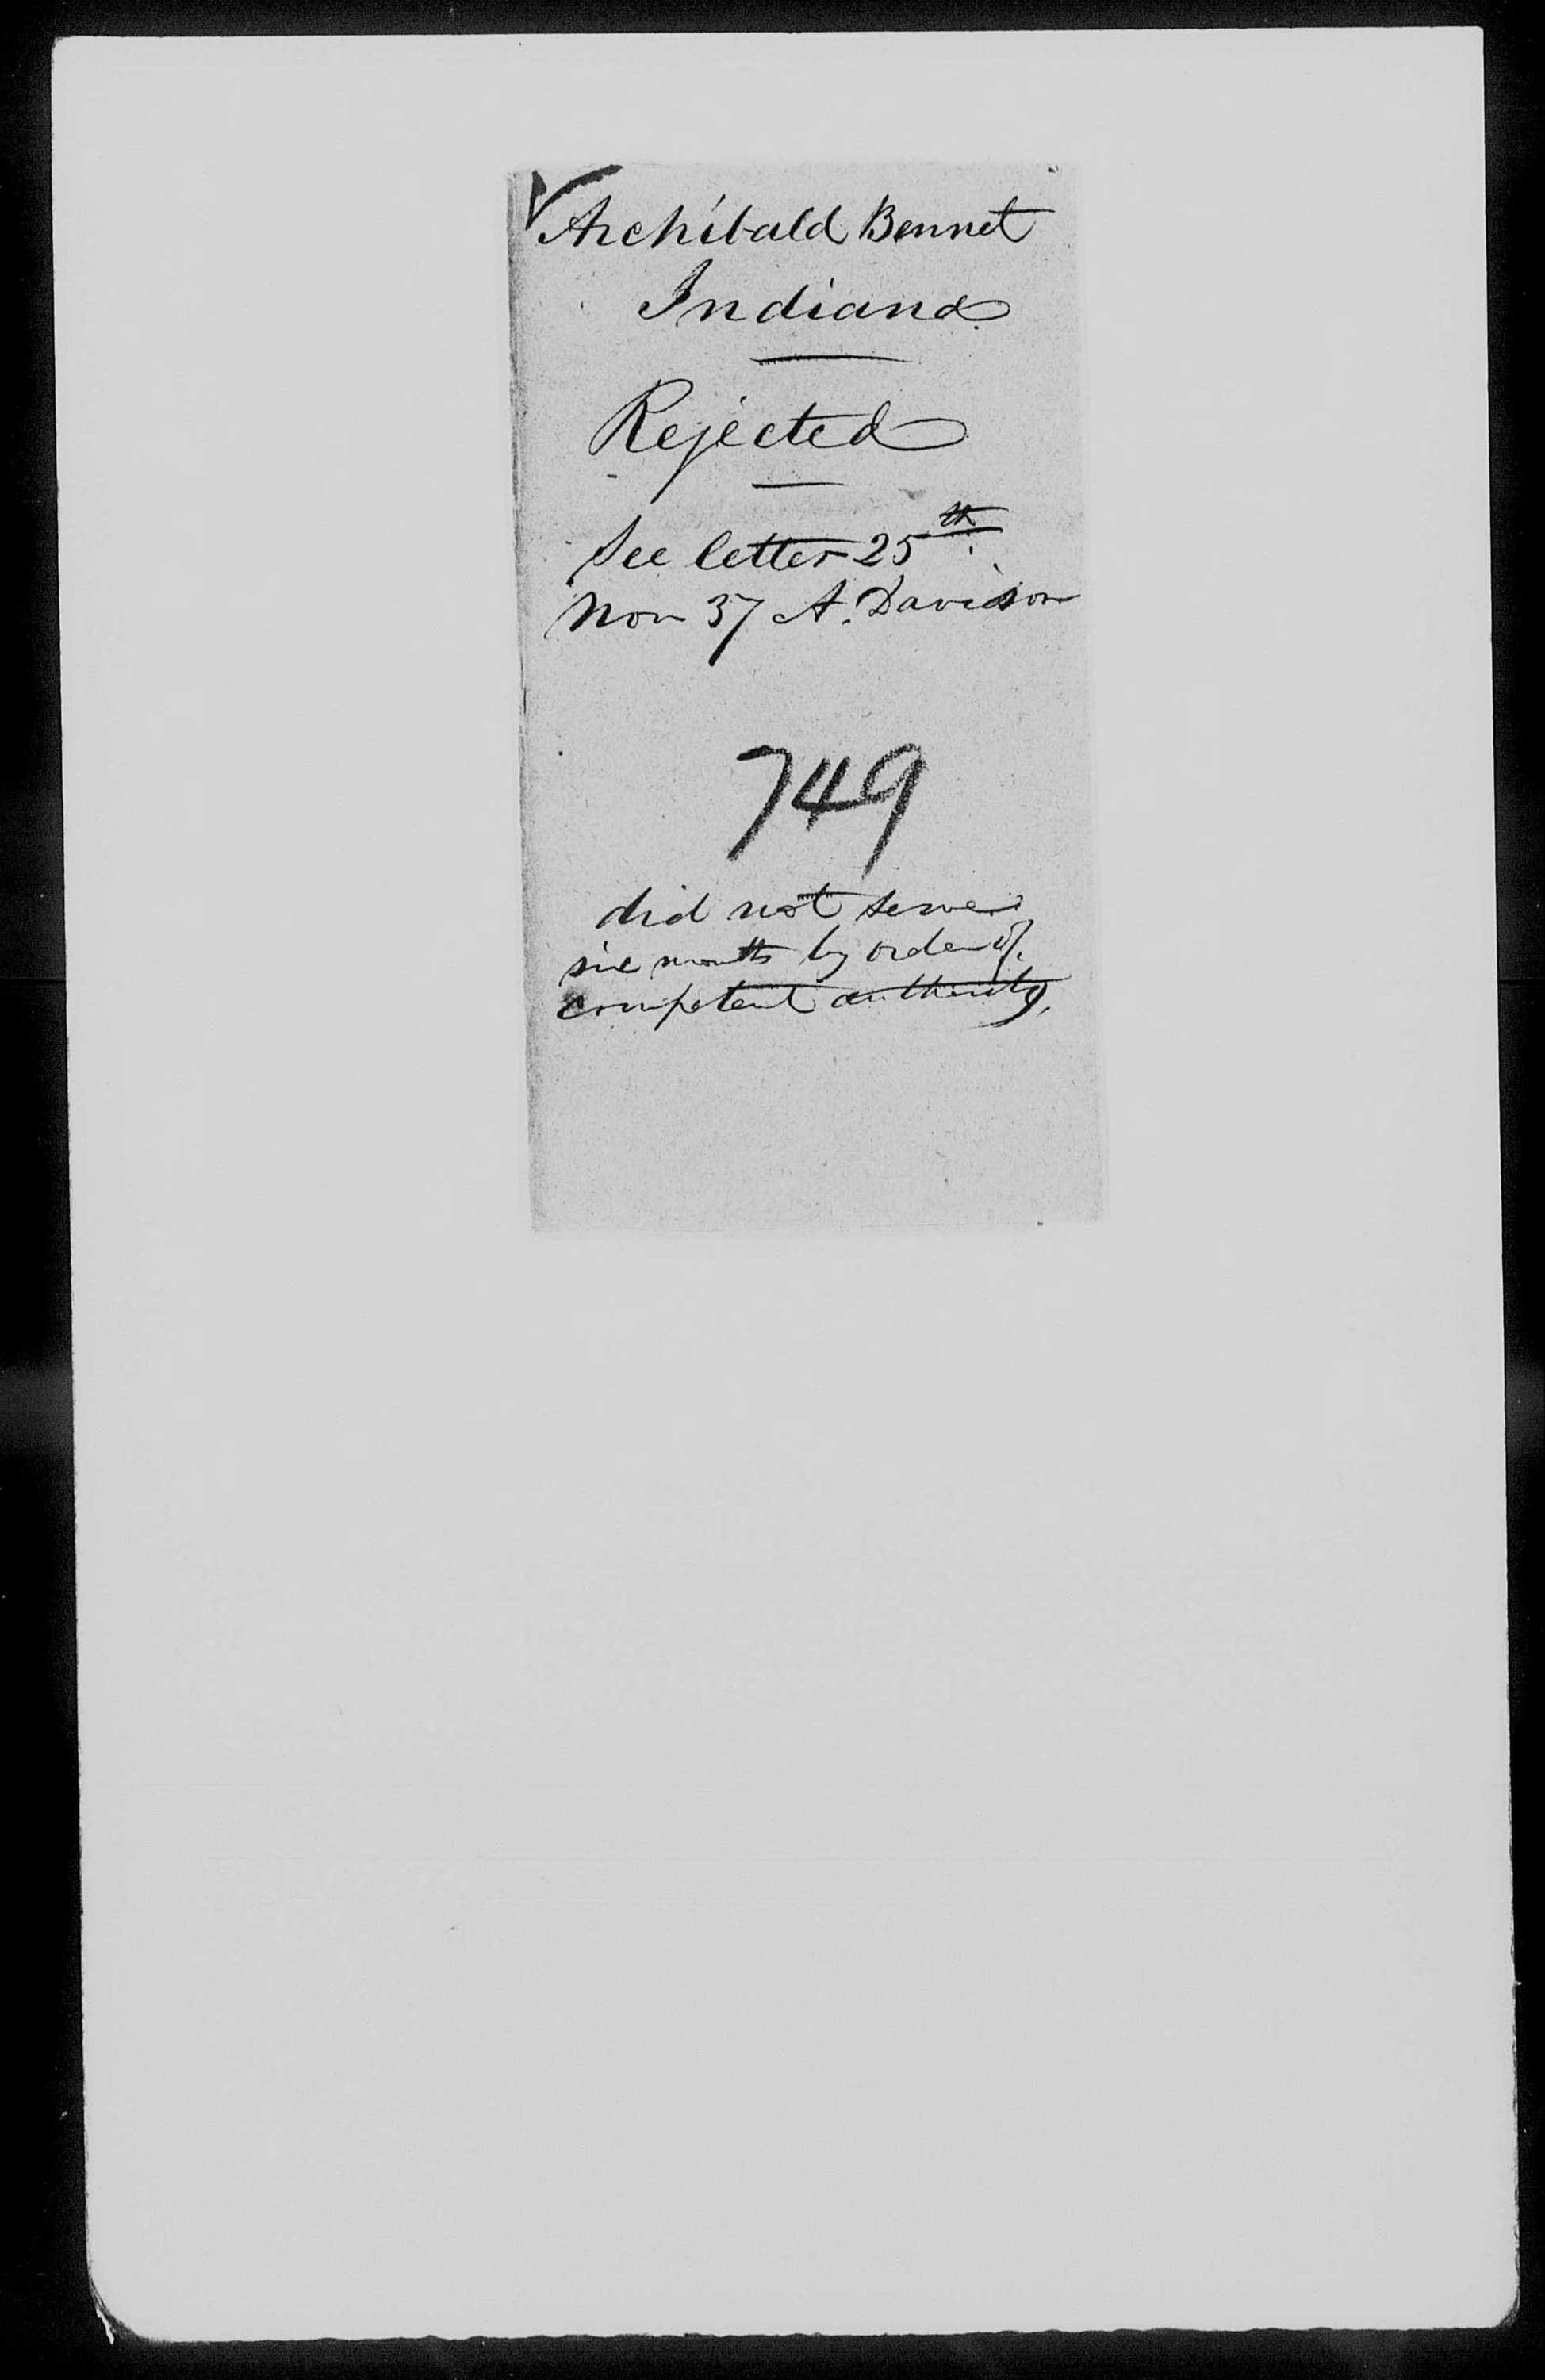Archibald Bennet
Indiana

Rejected

See Letter 35th
Nov 37 A. Davidson

749
did not serve
six months by order of
competent authority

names: Archibald Bennet, A Davison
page: 7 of 9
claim: rejected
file: R 749, Archibald Bennet, Penn.